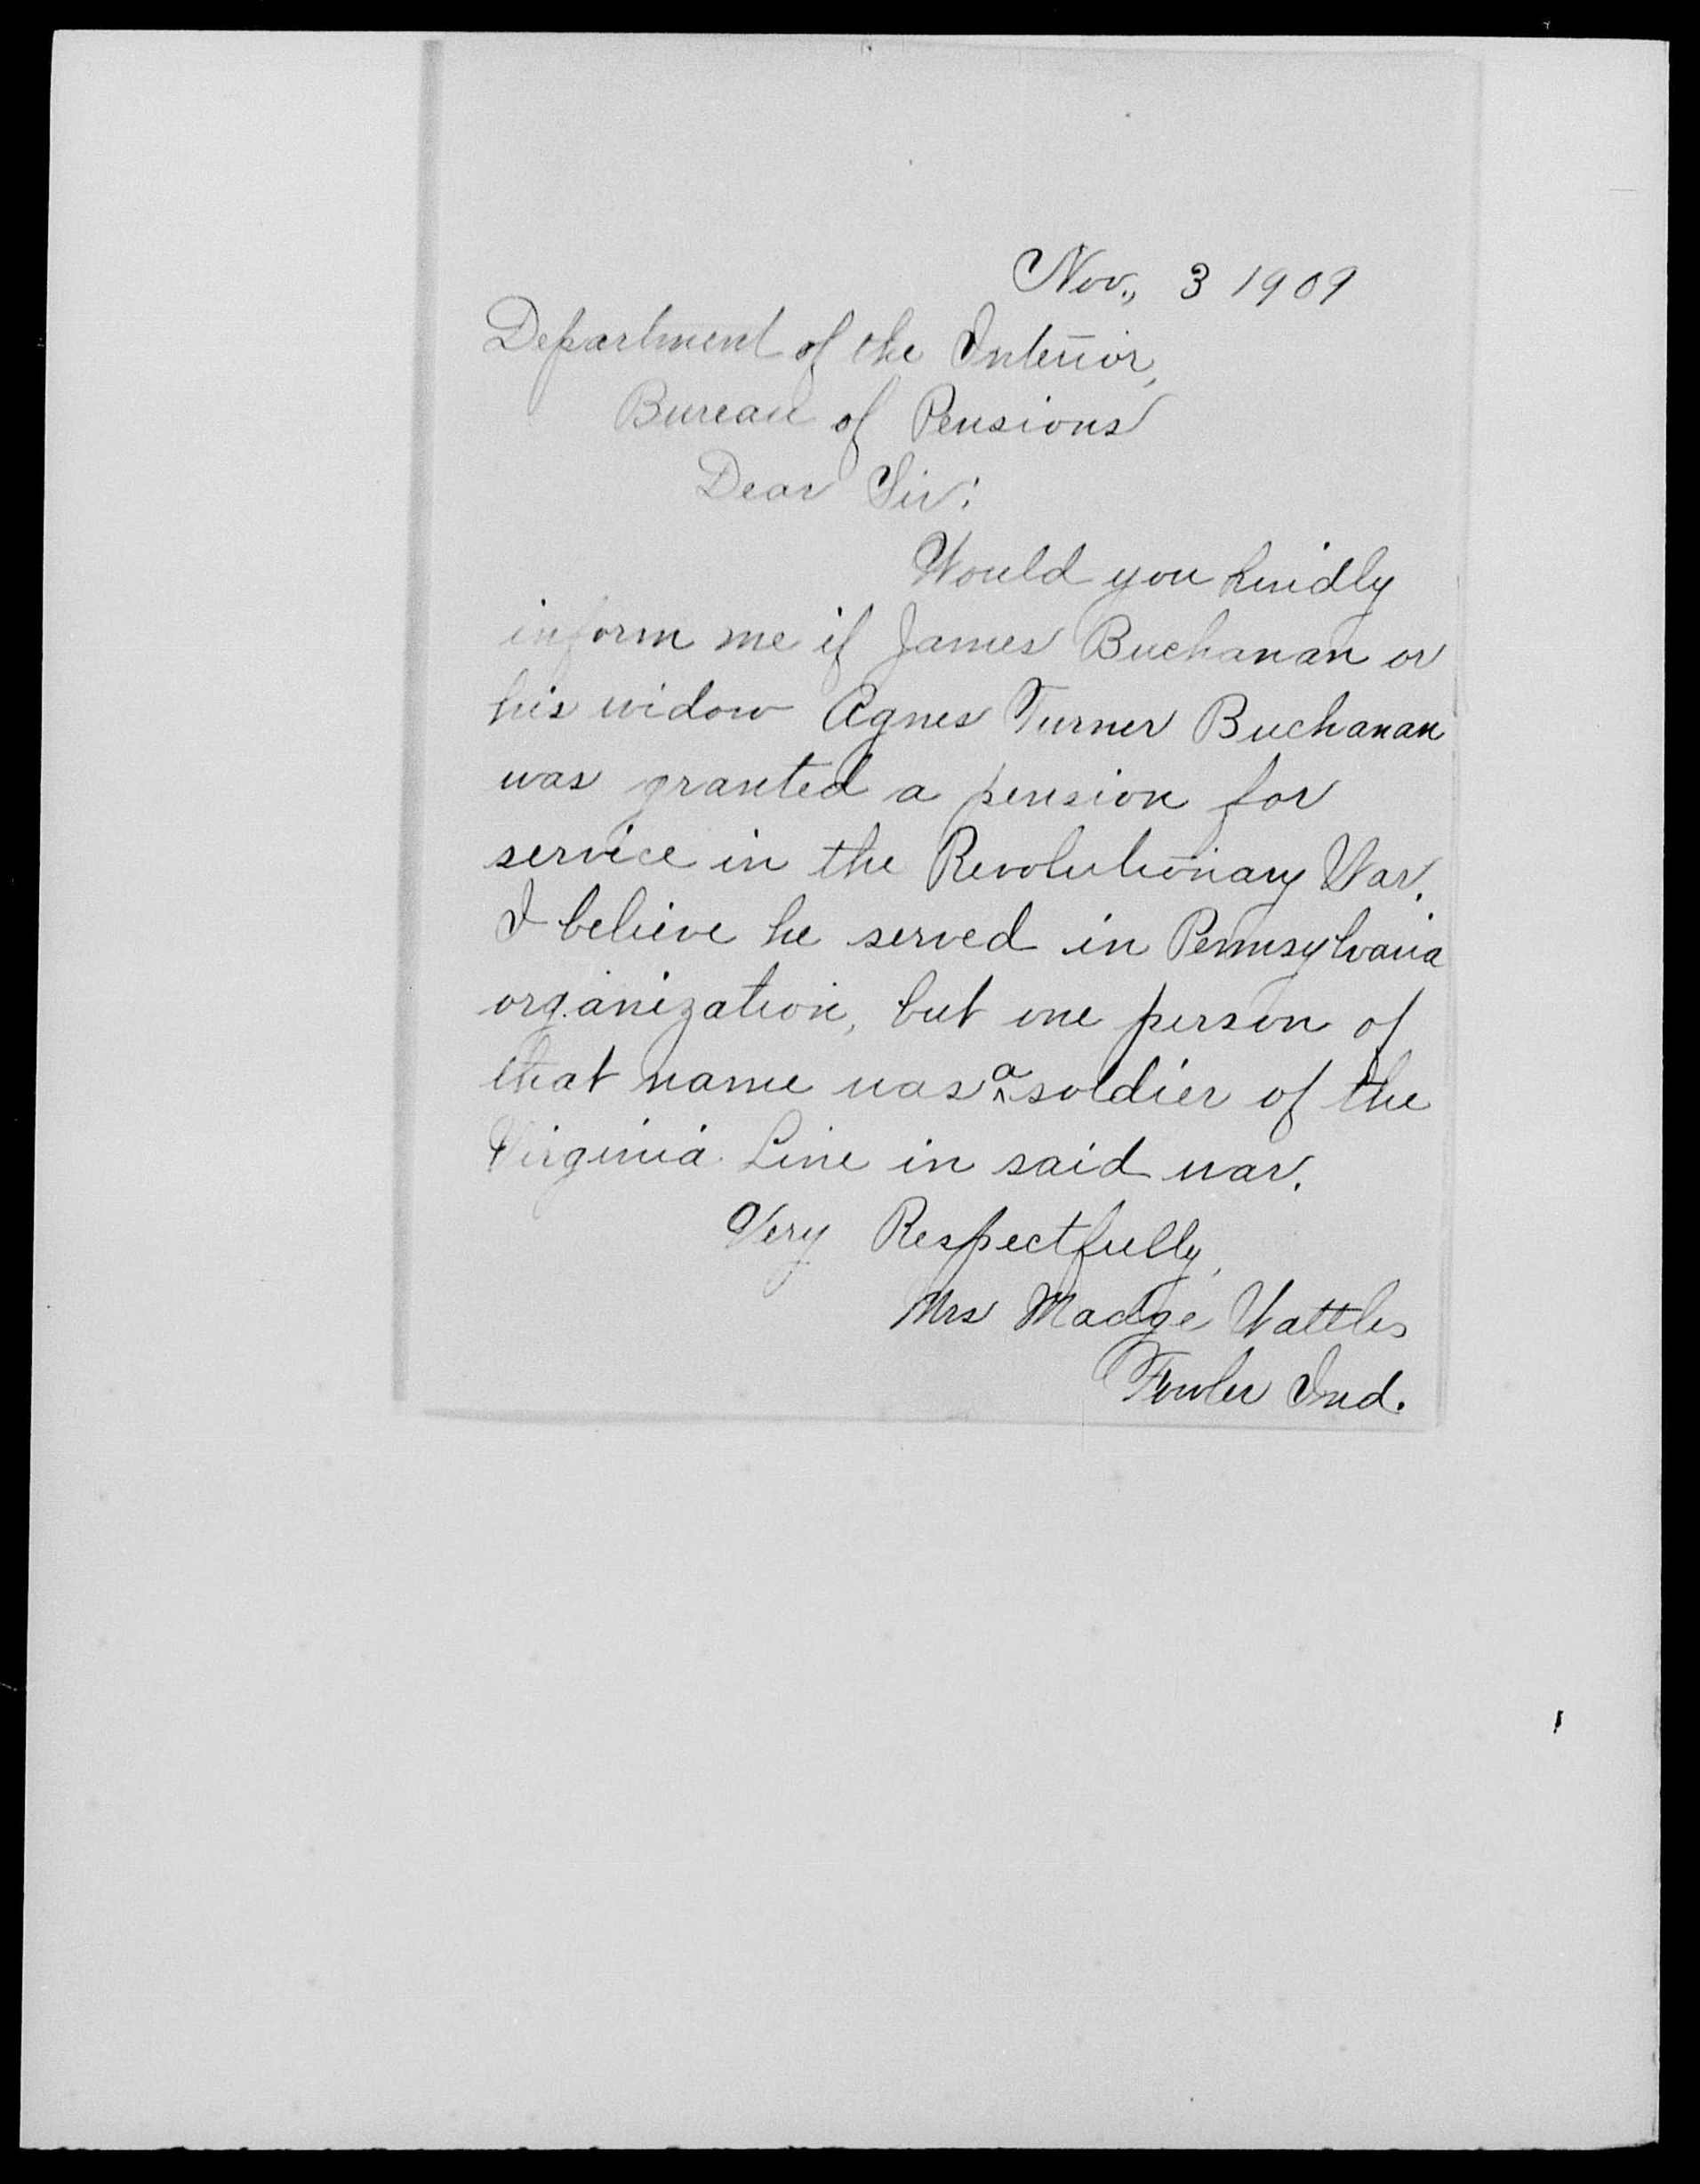Nov. 3 1909 

Department of the Interior, 
Bureau of Pensions 

Dear Sir: 

Would you kindly inform me if James Buchanan or his widow Agnes Turner Buchanan was granted a pension for service in the Revolutionary War. I believe he served in Pennsylvania organization, but one person of that name was a soldier of the Virginia Line in said war. 

Very Respectfully, 

Mrs. Madge Wattles
Fowler Ind.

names: Agnes Turner Buchanan, Madge Wattles, James Buchanan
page: 14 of 15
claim: survivor's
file: S. 40,765, James Buchanan, Pa.